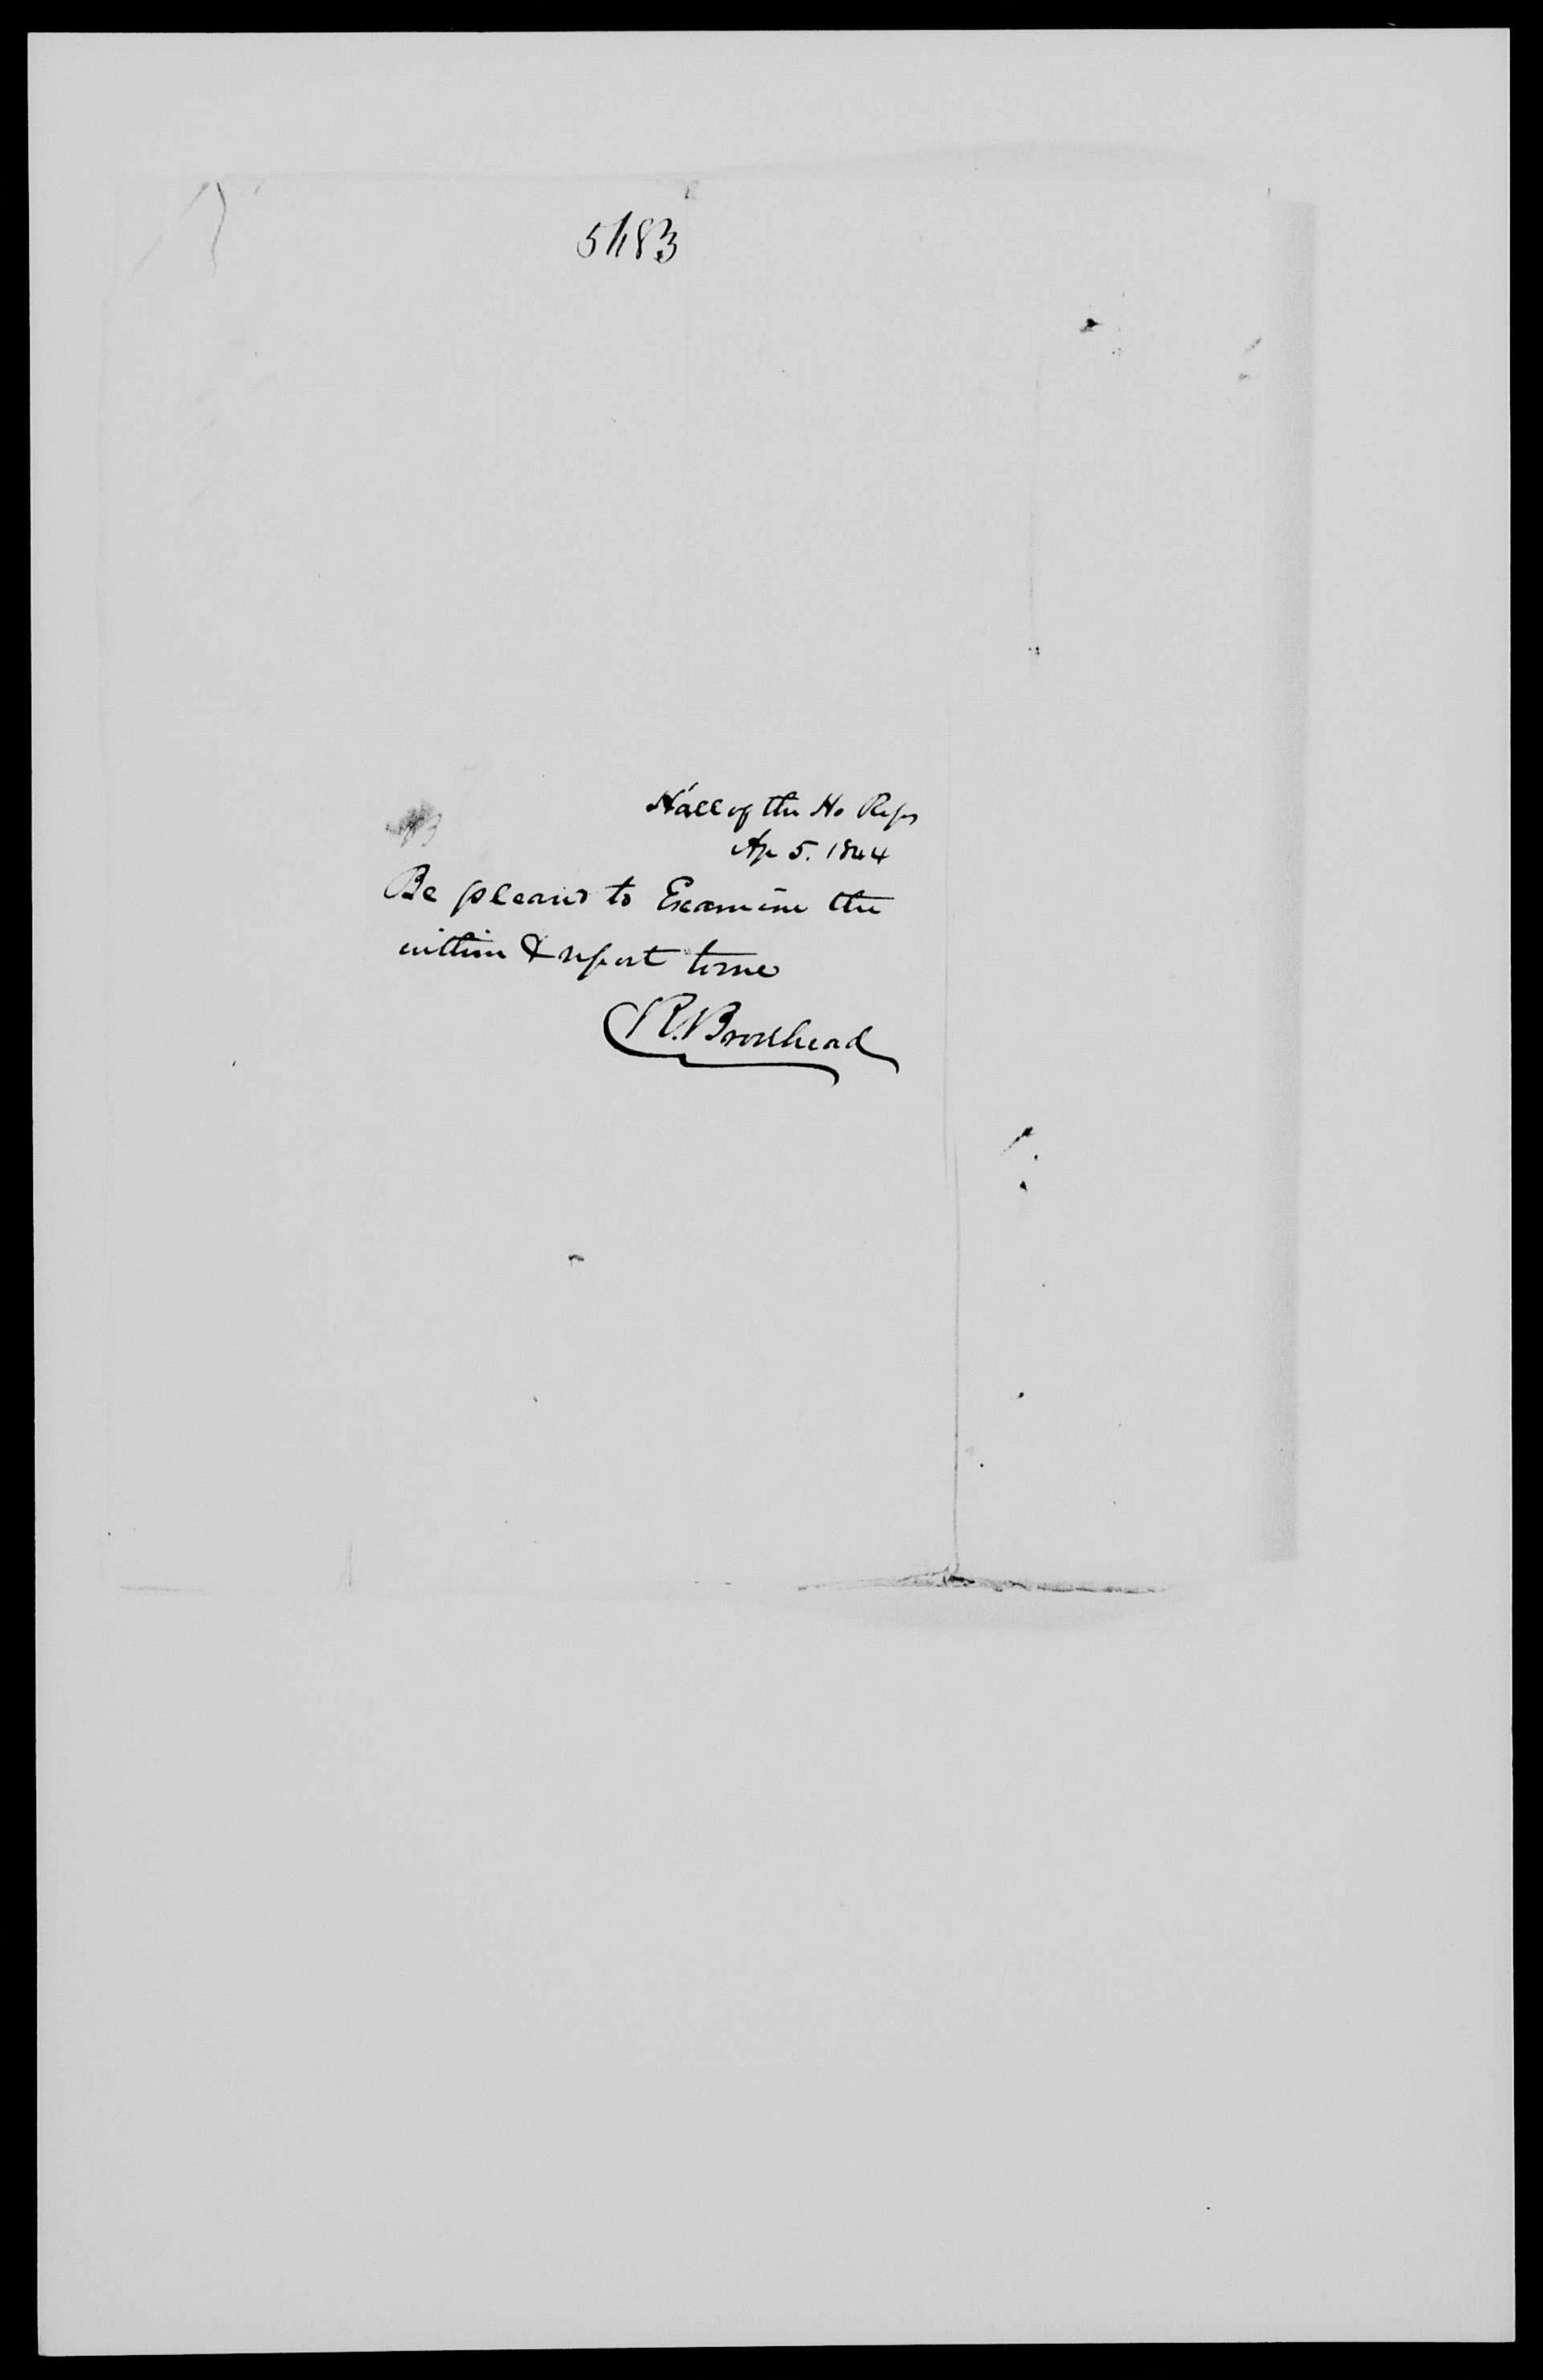5h83 Hall of the H. Reps Apr 5. 1844 Be pleased to Examine the within & report to me R. Brodhead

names: R Brodhead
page: 70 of 79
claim: widow's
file: W. 2,906, Stephen Bennet, Conn.